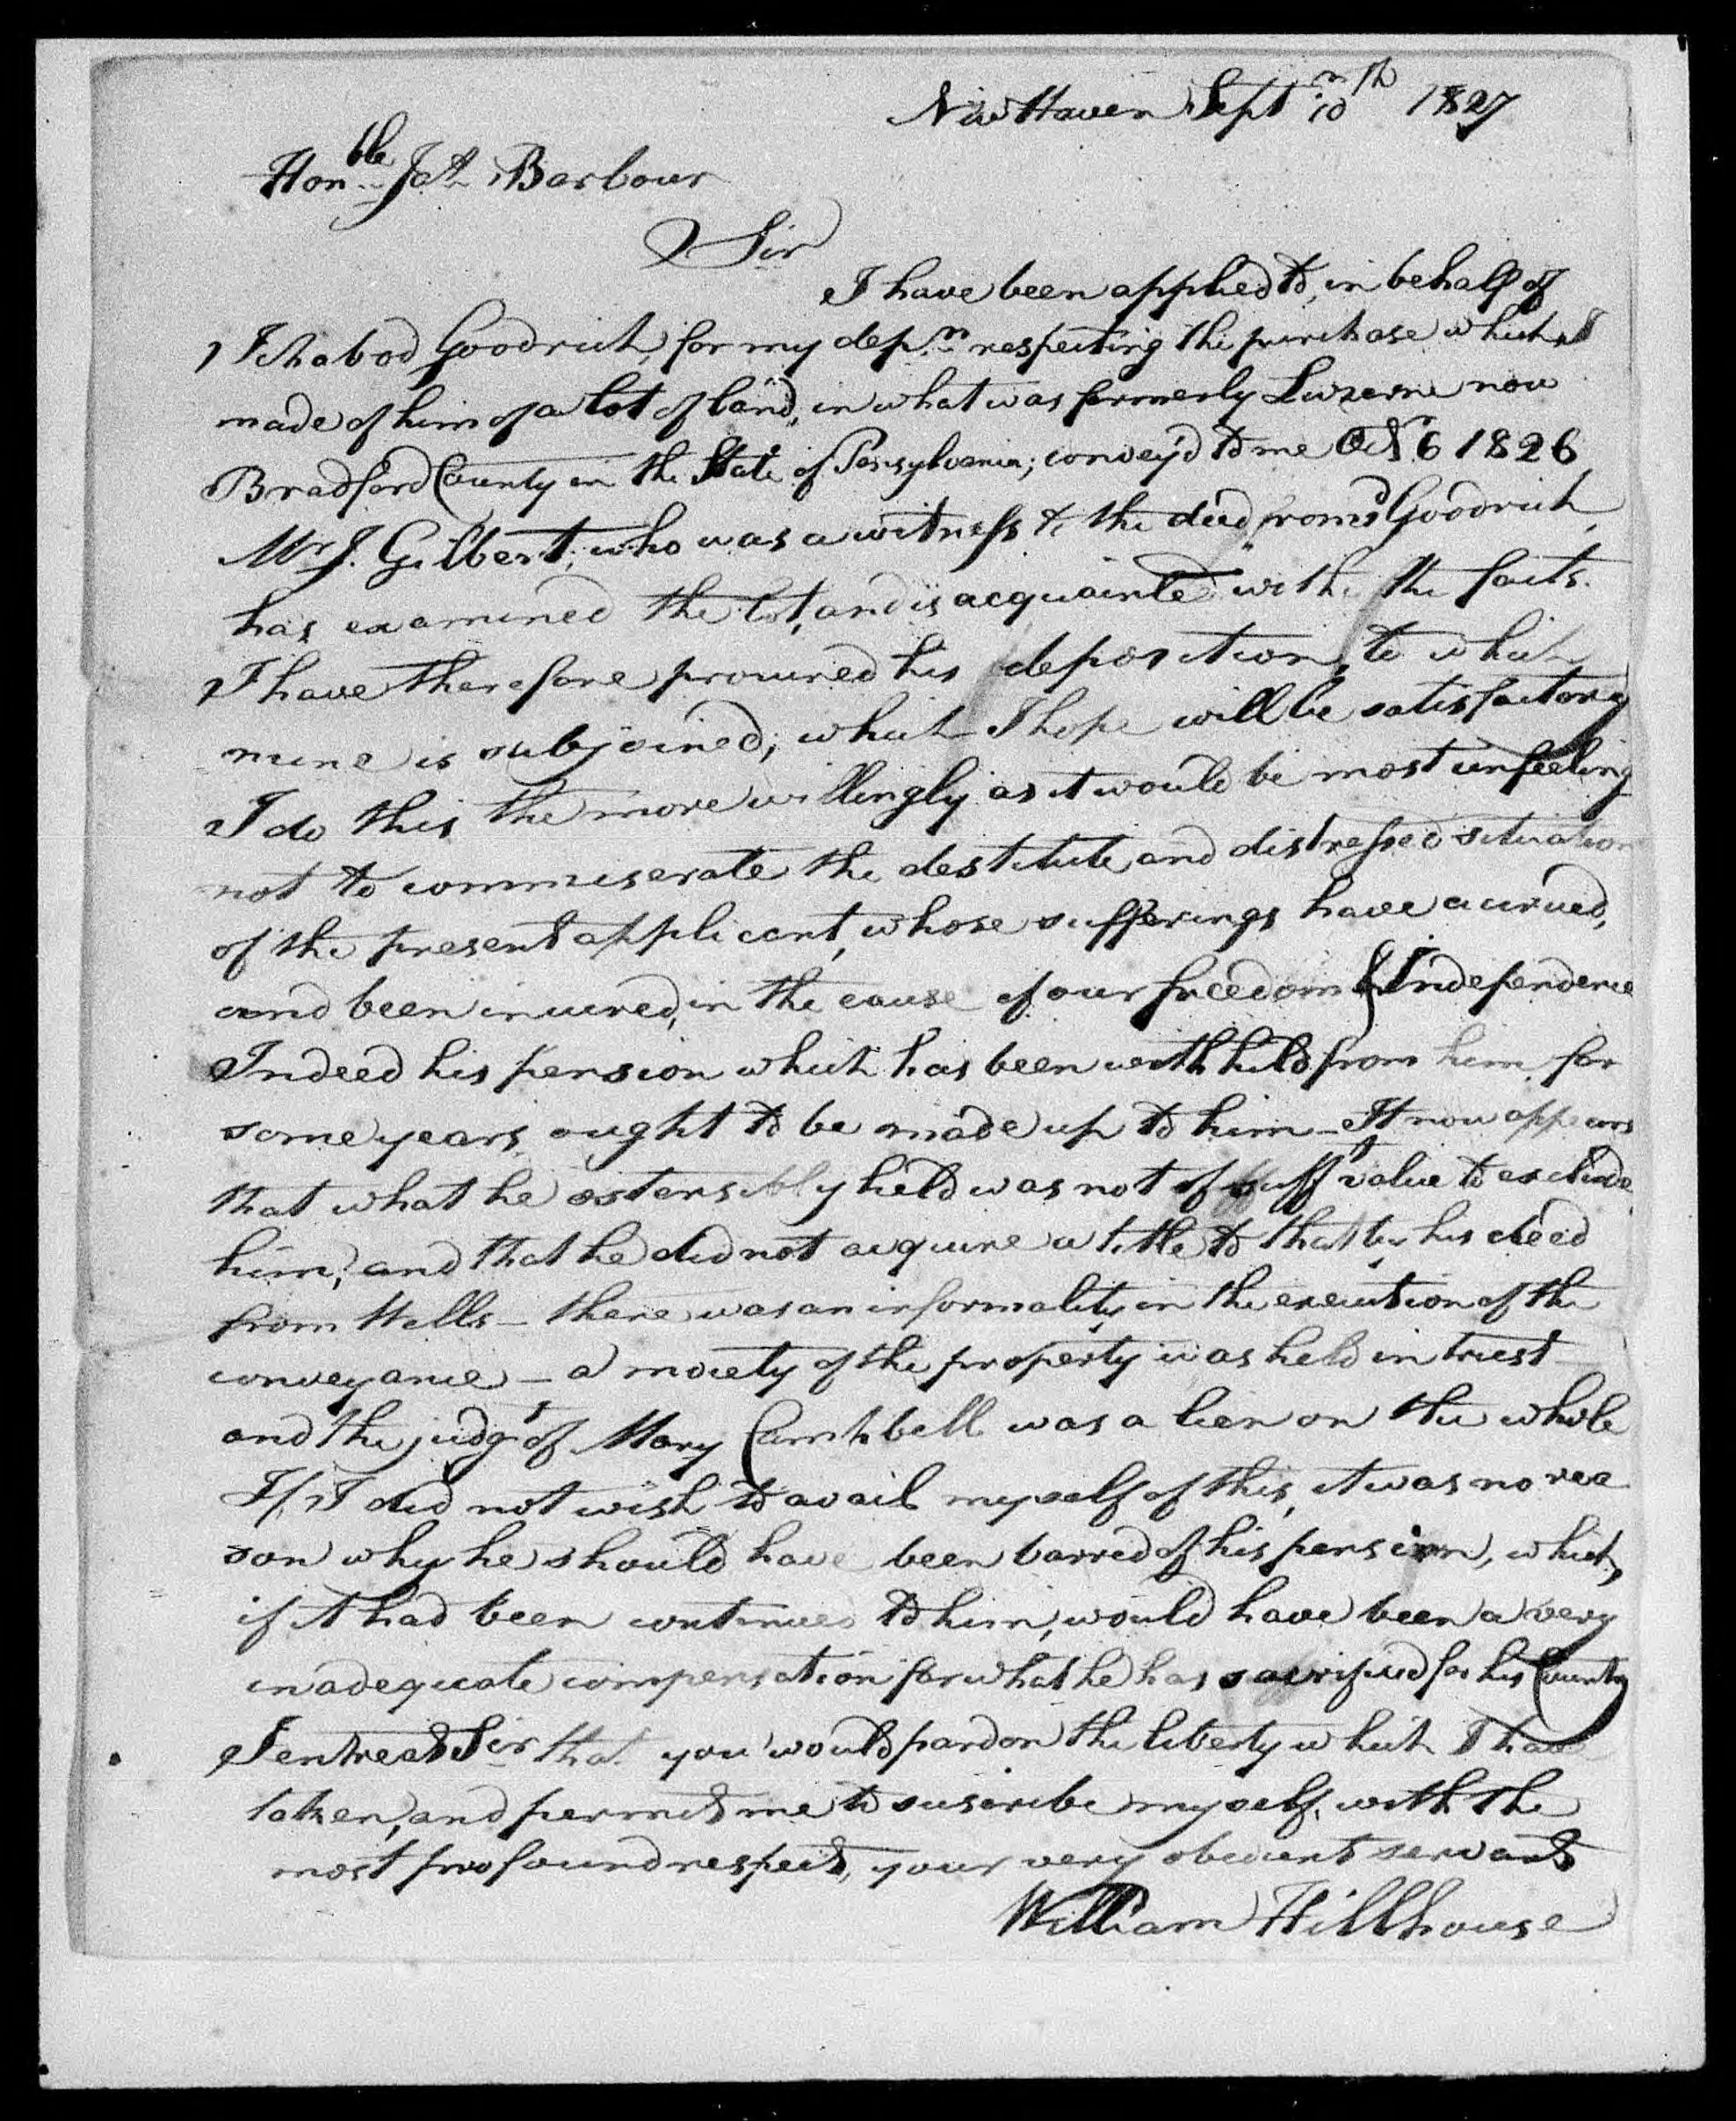New Haven Sept 10th 1827

Honble Jas Barbour,

Sir,
I have been applied to in behalf of Ichabod Goodrich for my depn respecting the purchase which I made of him of a lot of land, in what was formerly Lucerne now Bradford County in the state of Pennsylvania; conveyed to me Oct 6 1826.

Mr. J. Gilbert, who was a witness to the deed from said Goodrich has examined the lot, and is acquainted with the facts. I have therefore procured his deposition to which mine is subjoined; which I hope will be satisfactory. I do this the more willingly as it would be most unfeeling not to commiserate the destitute and distressed situation of the present applicant whose sufferings have accrued and been incurred, in the cause of our freedom & independence. Indeed his pension which has been withheld from him for some years ought to be made up to him. It now appears that what he ostensibly held was not of sufft value to exclude him, and that he did not acquire a little to that by his deed from Wells - there was an informality on the execution of the conveyance - a mostly of the property was held in trust and the judge of Mary Campbell was a lien on the whole & I did not wish to avail myself of this, it was no reason why he should have been barred of his pension, which if it had been continued to him, would have been a very inadequate compensation for what he has sacrificed for his country. I entreat for that you would pardon the liberty which I have taken, and permit me to subscribe myself, with the most profound respect, your very obedient servant,
William Hillhouse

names: William Hillhouse, Ichabod Goodrich, Wells, Mary Campbell, Jas Barbour, J Gilbert, Goodrich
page: 34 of 46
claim: survivor's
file: S. 36,556, Ichabod Goodrich, Conn.